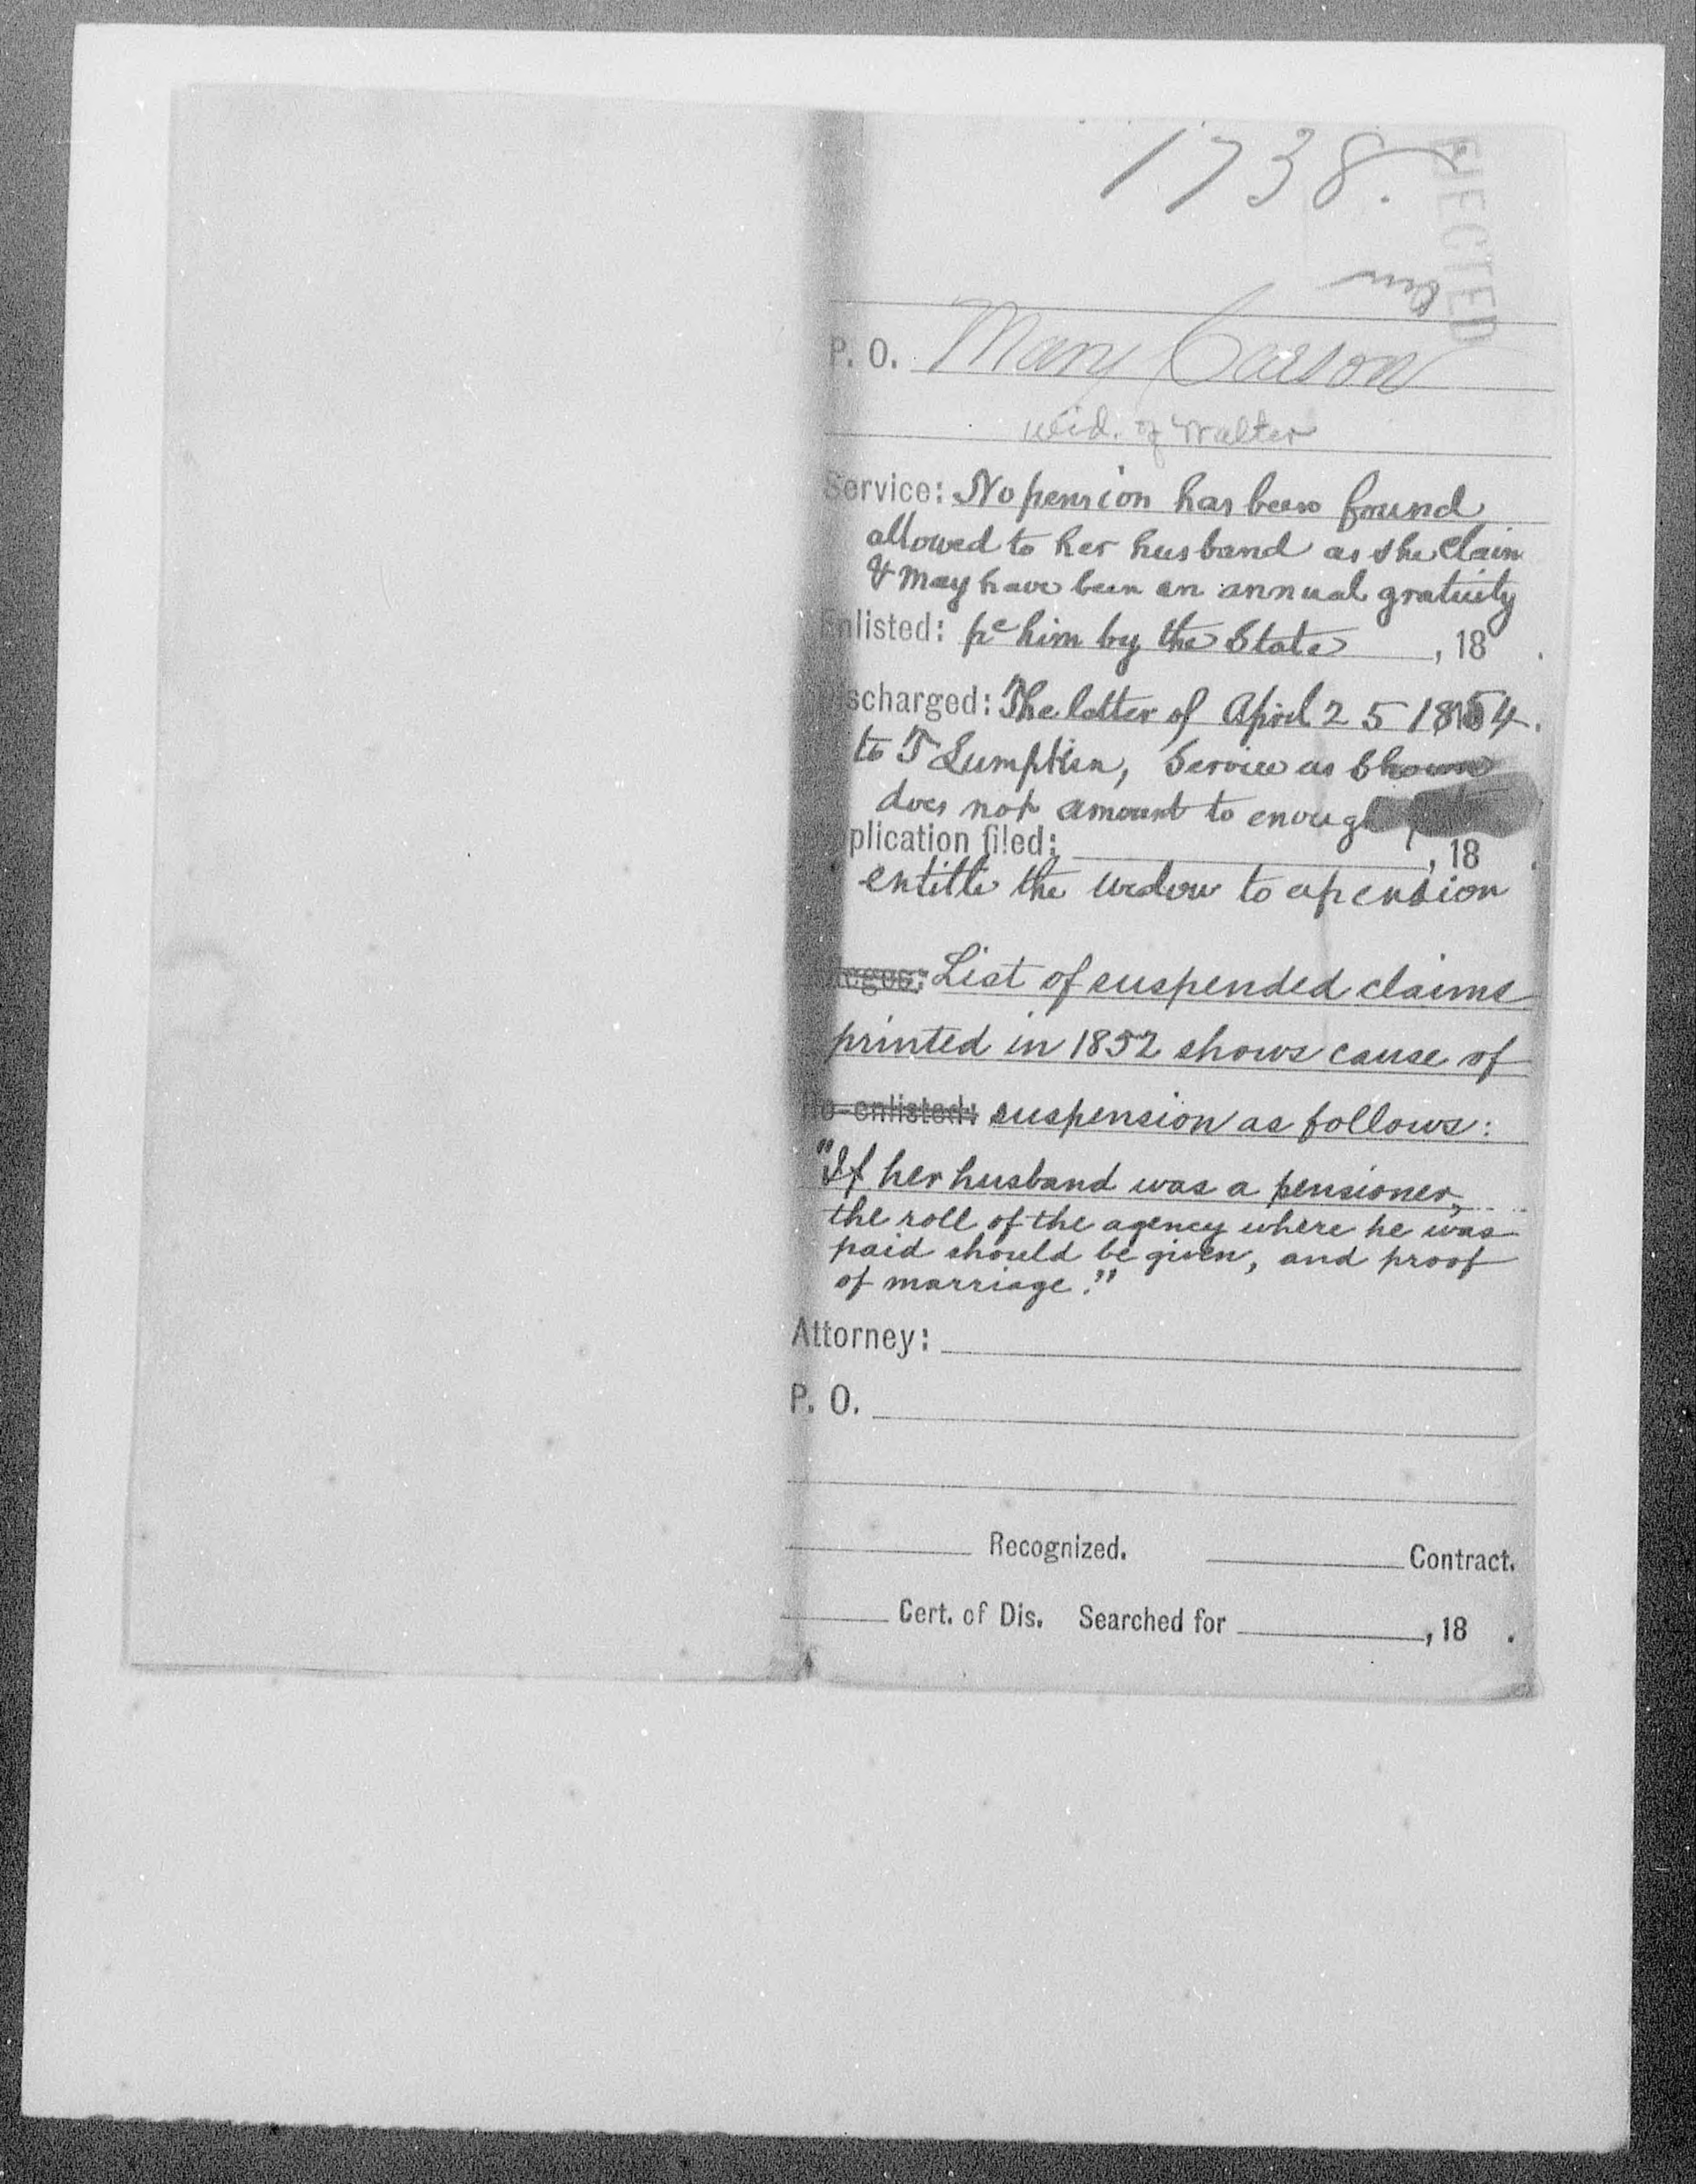REJECTED
1738
P.O. Mary Carson
wid. of Walter
Service: No pension has been found allowed to her husband as she claims & may have been an annual gratuity pc him by the State
Enlisted: 
Discharged: The letter of April 25 1854 to T Lumpkin, service as shown does not amount to enough to entitle the widow to a pension
Application filed:
List of suspended claims printed in 1852 shows cause of suspension as follows: "If her husband was a pensioner, the roll of the agency where he was paid should be given, and proof of marriage."
Attorney:
P.O.
Recognized. Contract.
Cert. of Dis. Searched for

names: Mary Carson, Walter Carson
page: 12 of 34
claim: rejected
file: R. 1,738, Walter Carson, N.C. S.C.